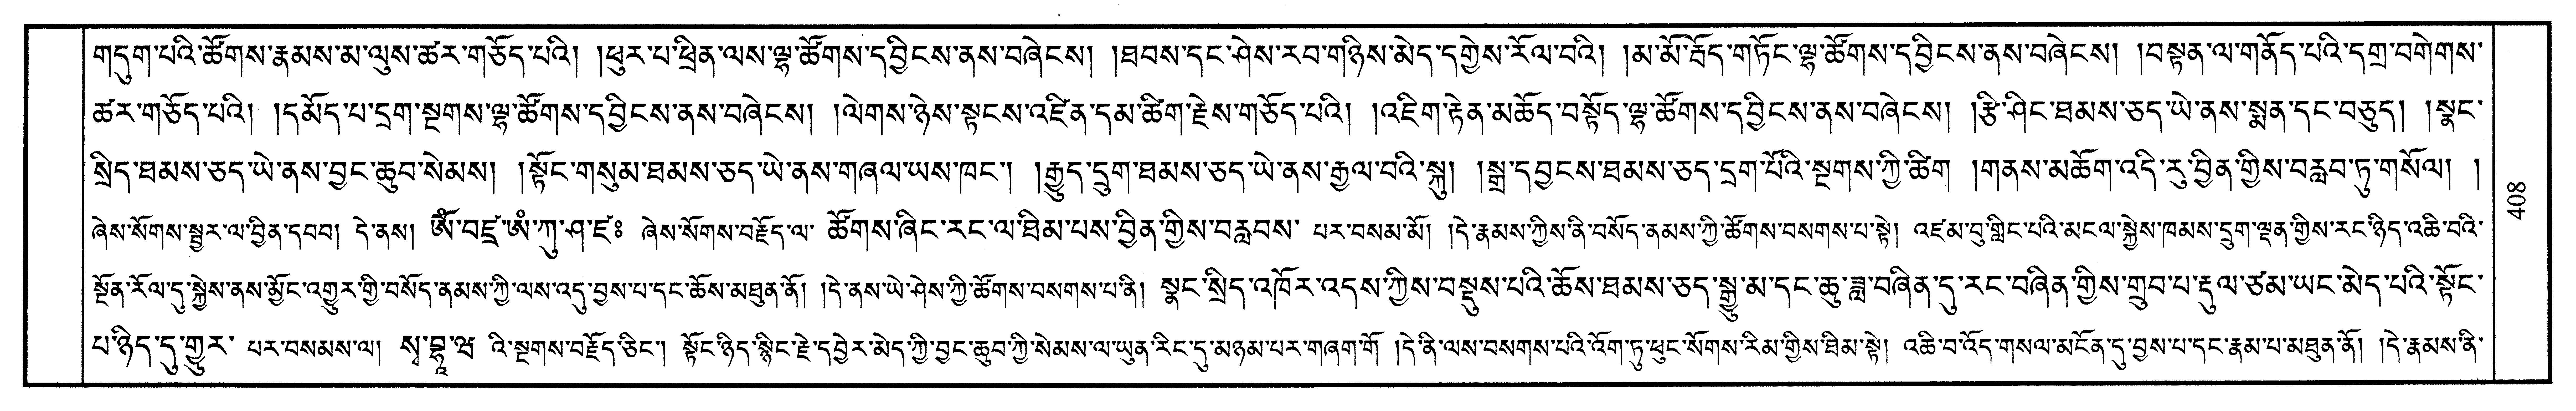གདུག་པའི་ཚོགས་རྣམས་མ་ལུས་ཚར་གཅོད་པའི། །ཕུར་པ་ཕྲིན་ལས་ལྷ་ཚོགས་དབྱིངས་ནས་བཞེངས། །ཐབས་དང་ཤེས་རབ་གཉིས་མེད་དགྱེས་རོལ་བའི། །མ་མོ་རྦོད་གཏོང་ལྷ་ཚོགས་དབྱིངས་ནས་བཞེངས། །བསྟན་ལ་གནོད་པའི་དགྲ་བགེགས་
ཚར་གཅོད་པའི། །དམོད་པ་དྲག་སྔགས་ལྷ་ཚོགས་དབྱིངས་ནས་བཞེངས། །ལེགས་ཉེས་སྟངས་འཛིན་དམ་ཚིག་རྗེས་གཅོད་པའི། །འཇིག་རྟེན་མཆོད་བསྟོད་ལྷ་ཚོགས་དབྱིངས་ནས་བཞེངས། །རྩི་ཤིང་ཐམས་ཅད་ཡེ་ནས་སྨན་དང་བཅུད། །སྣང་
སྲིད་ཐམས་ཅད་ཡེ་ནས་བྱང་ཆུབ་སེམས། །སྟོང་གསུམ་ཐམས་ཅད་ཡེ་ནས་གཞལ་ཡས་ཁང་། །རྒྱུད་དྲུག་ཐམས་ཅད་ཡེ་ནས་རྒྱལ་བའི་སྐུ། །སྒྲ་དབྱངས་ཐམས་ཅད་དྲག་པོའི་སྔགས་ཀྱི་ཚིག །གནས་མཆོག་འདི་རུ་བྱིན་གྱིས་བརླབ་ཏུ་གསོལ། །
ཞེས་སོགས་སྦྱར་ལ་བྱིན་དབབ། དེ་ནས། ཨོཾ་བཛྲ་ཨཾ་ཀུ་ཤ་ཛཿ ཞེས་སོགས་བརྗོད་ལ་ཚོགས་ཞིང་རང་ལ་ཐིམ་པས་བྱིན་གྱིས་བརླབས་པར་བསམ་མོ། །དེ་རྣམས་ཀྱིས་ནི་བསོད་ནམས་ཀྱི་ཚོགས་བསགས་པ་སྟེ། འཛམ་བུ་གླིང་པའི་མངལ་སྐྱེས་ཁམས་དྲུག་ལྡན་གྱིས་རང་ཉིད་འཆི་བའི་
སྔོན་རོལ་དུ་སྐྱེས་ནས་མྱོང་འགྱུར་གྱི་བསོད་ནམས་ཀྱི་ལས་འདུ་བྱས་པ་དང་ཆོས་མཐུན་ནོ། །དེ་ནས་ཡེ་ཤེས་ཀྱི་ཚོགས་བསགས་པ་ནི། སྣང་སྲིད་འཁོར་འདས་ཀྱིས་བསྡུས་པའི་ཆོས་ཐམས་ཅད་སྒྱུ་མ་དང་ཆུ་ཟླ་བཞིན་དུ་རང་བཞིན་གྱིས་གྲུབ་པ་རྡུལ་ཙམ་ཡང་མེད་པའི་སྟོང་
པ་ཉིད་དུ་གྱུར་པར་བསམས་ལ། སྭ་བྷཱ་ཝའི་སྔགས་བརྗོད་ཅིང་། སྟོང་ཉིད་སྙིང་རྗེ་དབྱེར་མེད་ཀྱི་བྱང་ཆུབ་ཀྱི་སེམས་ལ་ཡུན་རིང་དུ་མཉམ་པར་གཞག་གོ །དེ་ནི་ལས་བསགས་པའི་འོག་ཏུ་ཕུང་སོགས་རིམ་གྱིས་ཐིམ་སྟེ། འཆི་བ་འོད་གསལ་མངོན་དུ་བྱས་པ་དང་རྣམ་པ་མཐུན་ནོ། །དེ་རྣམས་ནི་